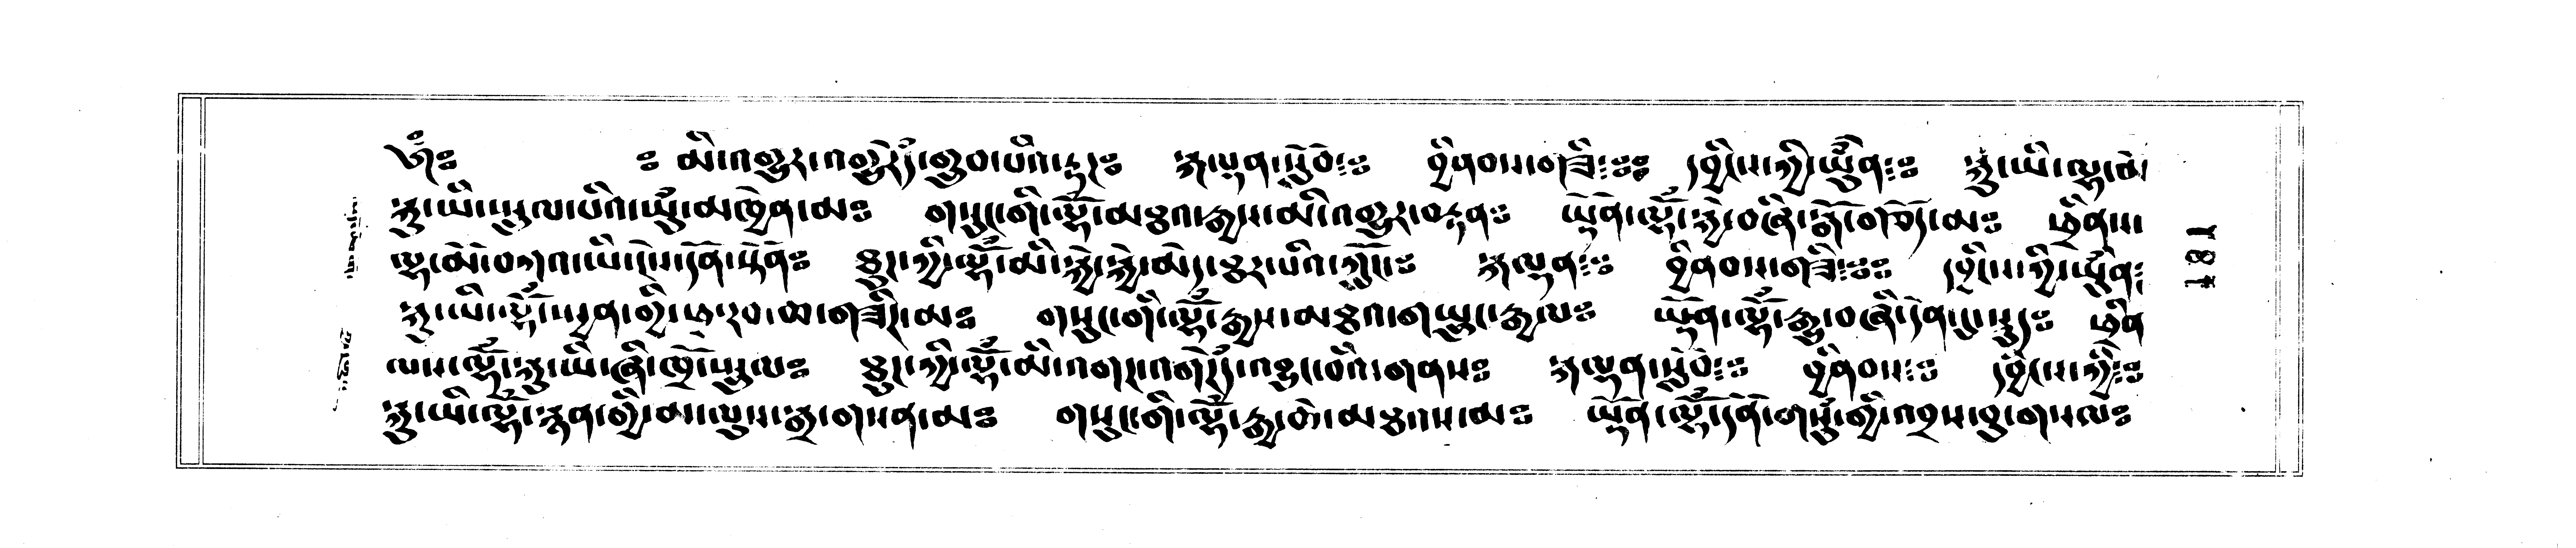མི་འགྱུར་འགྱུར་མེད་གྲུབ་པའི་རྟགསཿ སྐལ་ལྡན་སློབ་མ་རྣམས་ལ་དབང་བསྐུར་བསཿ བྱིན་རླབས་གཟི་བརྗིད་འགྲོ་འདྲེན་དབང་ཐོབ་ཤོགཿ དབྱིངས་ཀྱི་ཡུམ་ཆེན་བྱིན་རླབས་ལས་བྱུང་བའིཿསྐུ་ཡི་ལྷ་མོ་
སྐུ་ཡི་སྤྲུལ་པ་ཡེ་མཁྱེན་མཿ གསུང་གི་ལྷ་མོ་མཐའ་རྒྱས་མི་འགྱུར་བརྟནཿ ཡོན་ཏན་གྱི་ལྷ་མོ་སྐྱེ་བཞི་སྒོ་གཅོད་མཿ ཕྲིན་ལས་ཀྱི་
ལྷ་མོ་བཀའ་ཡི་ངེས་དོན་སྟོནཿ ཐུགས་ཀྱི་ལྷ་མོ་མི་སྐྱེ་སྐྱེ་མེད་ཐར་པའི་ཀློངཿ སྐལ་ལྡན་སློབ་མ་རྣམས་ལ་དབང་བསྐུར་བསཿ བྱིན་རླབས་གཟི་བརྗིད་འགྲོ་འདྲེན་དབང་ཐོབ་ཤོགཿ དབྱིངས་ཀྱི་ཡུམ་ཆེན་བྱིན་རླབས་ལས་བྱུང་བའིཿ 
སྐུ་ཡི་ལྷ་མོ་སྤྱན་གྱི་ཕྲ་རབས་ཆ་གཟིགས་མ་ལ་ཕྱག་འཚལ་ལོཿ གསུང་གི་ལྷ་མོ་རྒྱས་མཐའ་གཡུང་དྲུང་རྒྱལཿ ཡོན་ཏན་གྱི་ལྷ་མོ་རྒྱུ་བཞི་དོན་སྡུད་མཿ ཕྲིན་
ལས་ཀྱི་ལྷ་མོ་སྐུ་ཡི་ཞི་ཁྲོ་སྤྲུལཿ ཐུགས་ཀྱི་ལྷ་མོ་མི་འགག་འགག་མེད་འབྱུང་བའི་གནསཿ སྐལ་ལྡན་སློབ་མ་རྣམས་ལ་དབང་བསྐུར་བསཿ བྱིན་རླབས་གཟི་བརྗིད་འགྲོ་འདྲེན་དབང་ཐོབ་ཤོགཿ དབྱིངས་ཀྱི་ཡུམ་ཆེན་བྱིན་རླབས་ལས་བྱུང་བའིཿ 
སྐུ་ཡི་ལྷ་མོ་སྙན་གྱིས་མ་ལུས་སྒྲ་གསན་མཿ གསུང་གི་ལྷ་མོ་རྒྱ་ཆེན་མཐའ་ཡསཿ ཡོན་ཏན་གྱི་ལྷ་མོ་དོན་གསུམ་འབྲས་བུ་གསལཿ